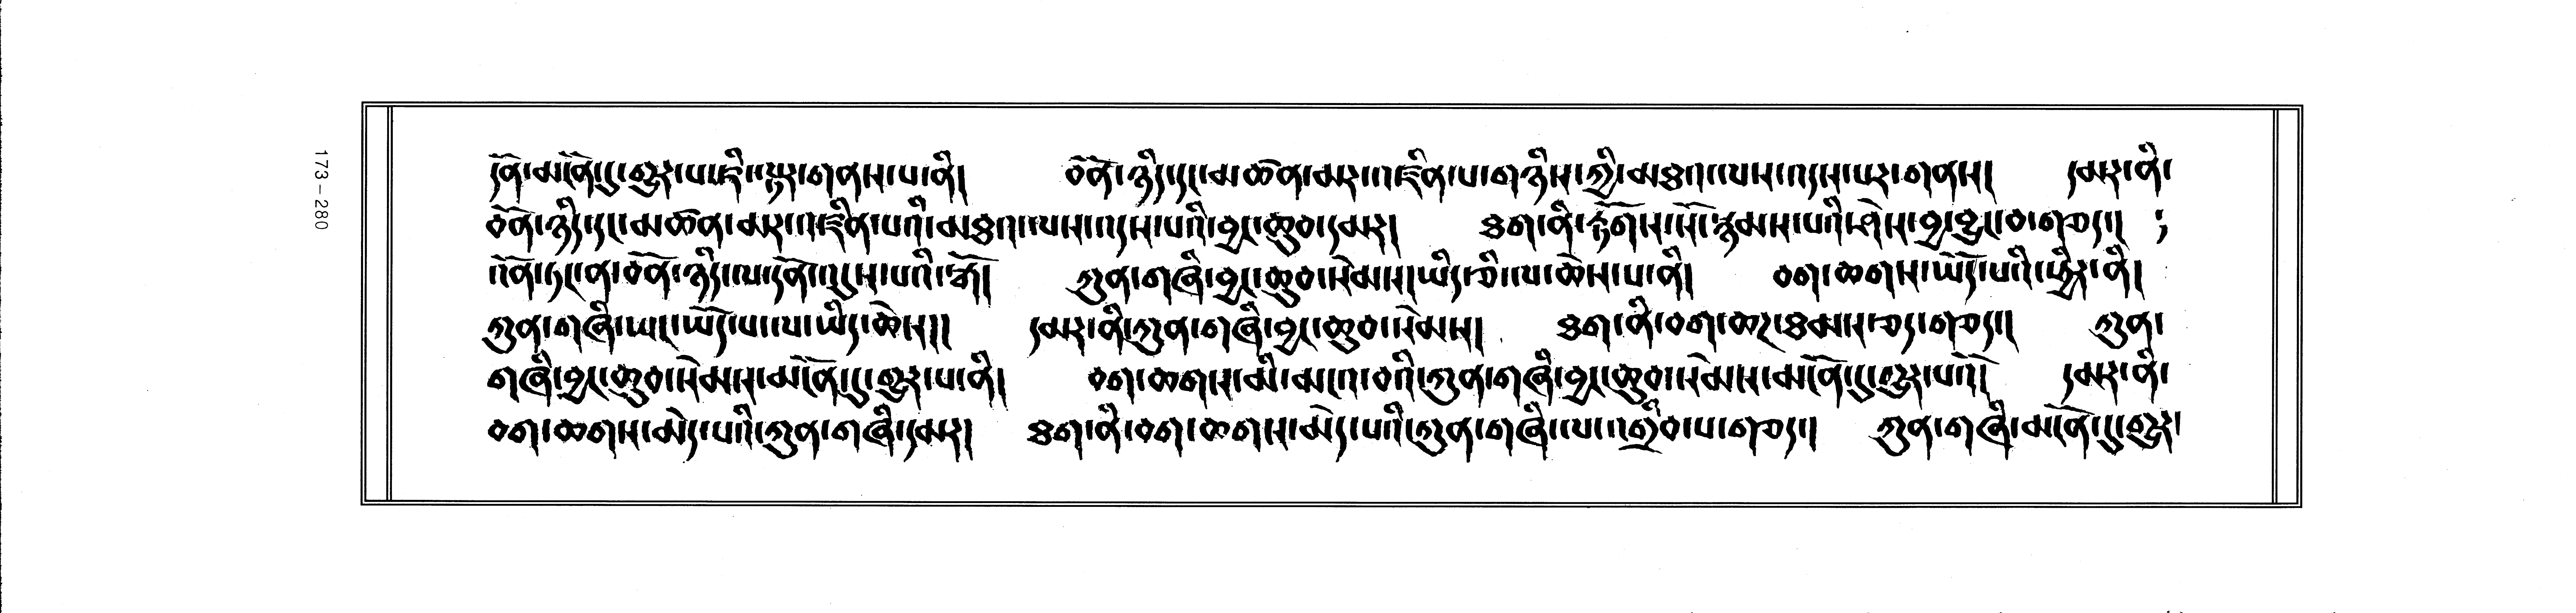དོན་མངོན་དུ་གྱུར་པ་ཇི་ལྟར་གནས་པ་ནི། བོན་ཉིད་དང་མཚན་མར་འཛིན་པ་གཉིས་ཀྱི་མཐའ་ལས་འདས་པར་གནས། དམར་ནི་
བོན་ཉིད་དང་མཚན་མར་འཛིན་པའི་མཐའ་ལས་འདས་པའི་བྱང་ཆུབ་སེམས་དམར། ཐག་ནི་རྟོགས་སོ་སྙམ་པའི་ཤེས་བྱ་བྱུང་བ་གཅད། 
འོན་ཏང་ན་བོན་ཉིད་ལ་དོན་འདུས་པའི་སྒོ། ཀུན་གཞི་བྱང་ཆུབ་སེམས་ཡིད་ཅི་ལ་ཆེས་པ་ནི། བག་ཆགས་ཡོད་པའི་ཕྱིར་ནི། 
ཀུན་གཞི་ཡང་ཡོད་པ་ལ་ཡིད་ཆེས། དམར་ནི་ཀུན་གཞི་བྱང་ཆུབ་ཀྱི་སེམས་དམར། ཐག་ནི་བག་ཆགས་ཐམས་ཅད་གཅད། ཀུན་
གཞི་བྱང་ཆུབ་སེམས་མངོན་དུ་གྱུར་པ་ནི། བག་ཆགས་མི་མངའ་བའི་ཀུན་གཞི་བྱང་ཆུབ་སེམས་མངོན་དུ་གྱུར་པའོ། །དམར་ནི་
བག་ཆགས་མེད་པའི་ཀུན་གཞི་དམར། ཐག་ནི་ཀུན་གཞི་མེད་པའི་བག་ཆགས་ལ་འགྲིབ་པ་གཅད། ཀུན་གཞི་མངོན་དུ་གྱུར་